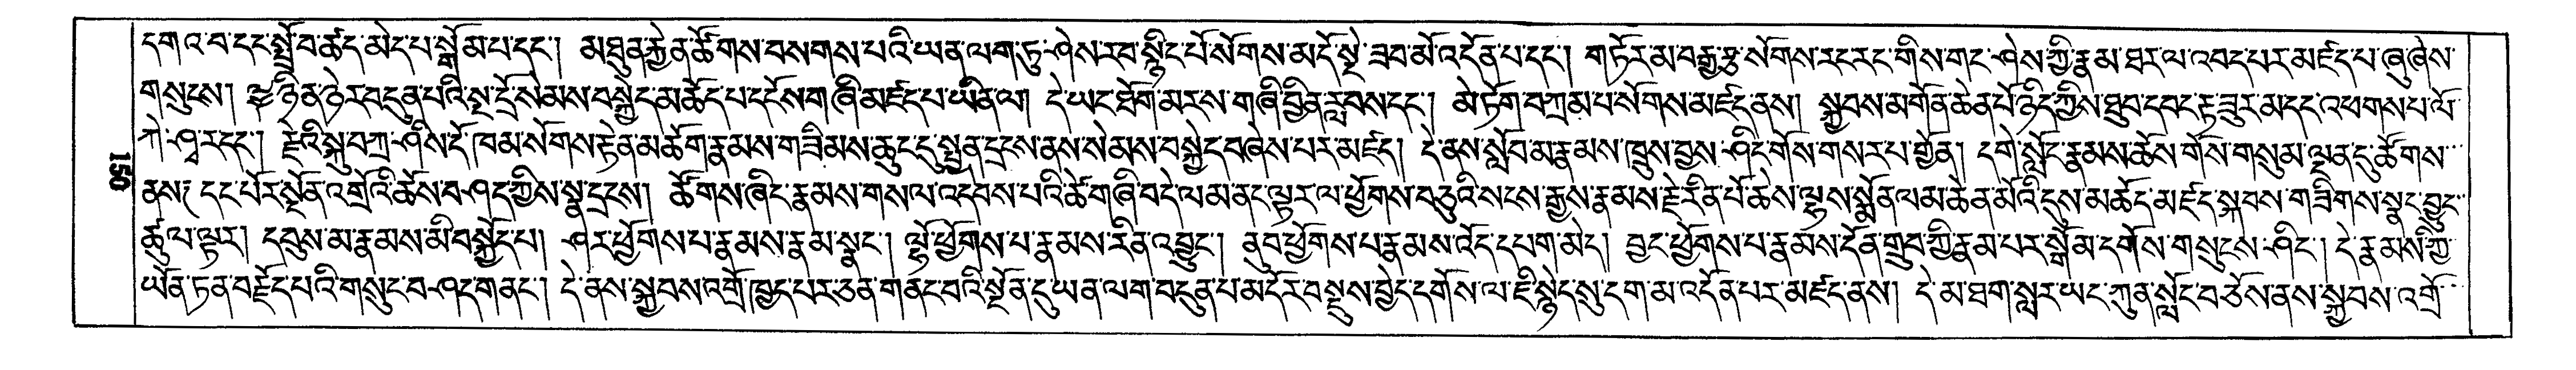དགའ་བ་དང་སྤྲོ་བ་ཚད་མེད་པ་སྒོམ་པ་དང་། མཐུན་རྐྱེན་ཚོགས་བསགས་པའི་ཡན་ལག་ཏུ་ཤེས་རབ་སྙིང་པོ་སོགས་མདོ་སྡེ་ཟབ་མོ་འདོན་པ་དང་། གཏོར་མ་བརྒྱ་རྩ་སོགས་རང་རང་གིས་གང་ཤེས་ཀྱི་རྣམ་ཐར་ལ་འབད་པར་མཛད་པ་ཞུ་ཞེས་
གསུངས། ༈ ཉིན་ཉེར་བདུན་པའི་སྔ་དྲོ་སེམས་བསྐྱེད་མཆོད་པ་དངོས་གཞི་མཛད་པ་ཡིན་ལ། དེ་ཡང་ཐོག་མར་ས་གཞི་བྱིན་རླབས་དང་། མེ་ཏོག་བཀྲམ་པ་སོགས་མཛད་ནས། སྐྱབས་མགོན་ཆེན་པོ་ཉིད་ཀྱིས་ཐུབ་དབང་རྟ་ཟུར་མ་དང་འཕགས་པ་ལོ་
ཀེ་ཤྭ་ར་དང་། རྗེའི་སྐུ་བཀྲ་ཤིས་དོ་ཁམ་སོགས་རྟེན་མཆོག་རྣམས་གཟིམས་ཆུང་དུ་སྤྱན་དྲངས་ནས་སེམས་བསྐྱེད་བཞེས་པར་མཛད། དེ་ནས་སློབ་མ་རྣམས་ཁྲུས་བྱས་ཤིང་གོས་གསར་པ་གྱོན། དགེ་སློང་རྣམས་ཆོས་གོས་གསུམ་ལྡན་དུ་ཚོགས་
ནས། དང་པོར་སྔོན་འགྲོའི་ཆོས་བཤད་ཀྱིས་སྣ་དྲངས། ཚོགས་ཞིང་རྣམས་གསལ་འདེབས་པའི་ཚེ་གཞི་བདེ་ལམ་ནང་ལྟར་ལ་ཕྱོགས་བཅུའི་སངས་རྒྱས་རྣམས་རྗེ་རིན་པོ་ཆེས་ལྷ་ས་སྨོན་ལམ་ཆེན་མོའི་དུས་མཆོད་མཛད་སྐབས་གཟིགས་སྣང་བྱུང་
ཚུལ་ལྟར། དབུས་མ་རྣམས་མི་བསྐྱོད་པ། ཤར་ཕྱོགས་པ་རྣམས་རྣམ་སྣང་། ལྷོ་ཕྱོགས་པ་རྣམས་རིན་འབྱུང་། ནུབ་ཕྱོགས་པ་རྣམས་འོད་དཔག་མེད། བྱང་ཕྱོགས་པ་རྣམས་དོན་གྲུབ་ཀྱི་རྣམ་པར་སྒོམ་དགོས་གསུངས་ཤིང་། དེ་རྣམས་ཀྱི་
ཡོན་ཏན་བརྗོད་པའི་གསུང་བཤད་གནང་། དེ་ནས་སྐྱབས་འགྲོ་ཁྱད་པར་ཅན་གནང་བའི་སྔོན་དུ་ཡན་ལག་བདུན་པ་མདོར་བསྡུས་བྱེད་དགོས་ལ་ཇི་སྙེད་སུ་དག་མ་འདོན་པར་མཛད་ནས། དེ་མ་ཐག་སླར་ཡང་ཀུན་སློང་བཅོས་ནས་སྐྱབས་འགྲོ་